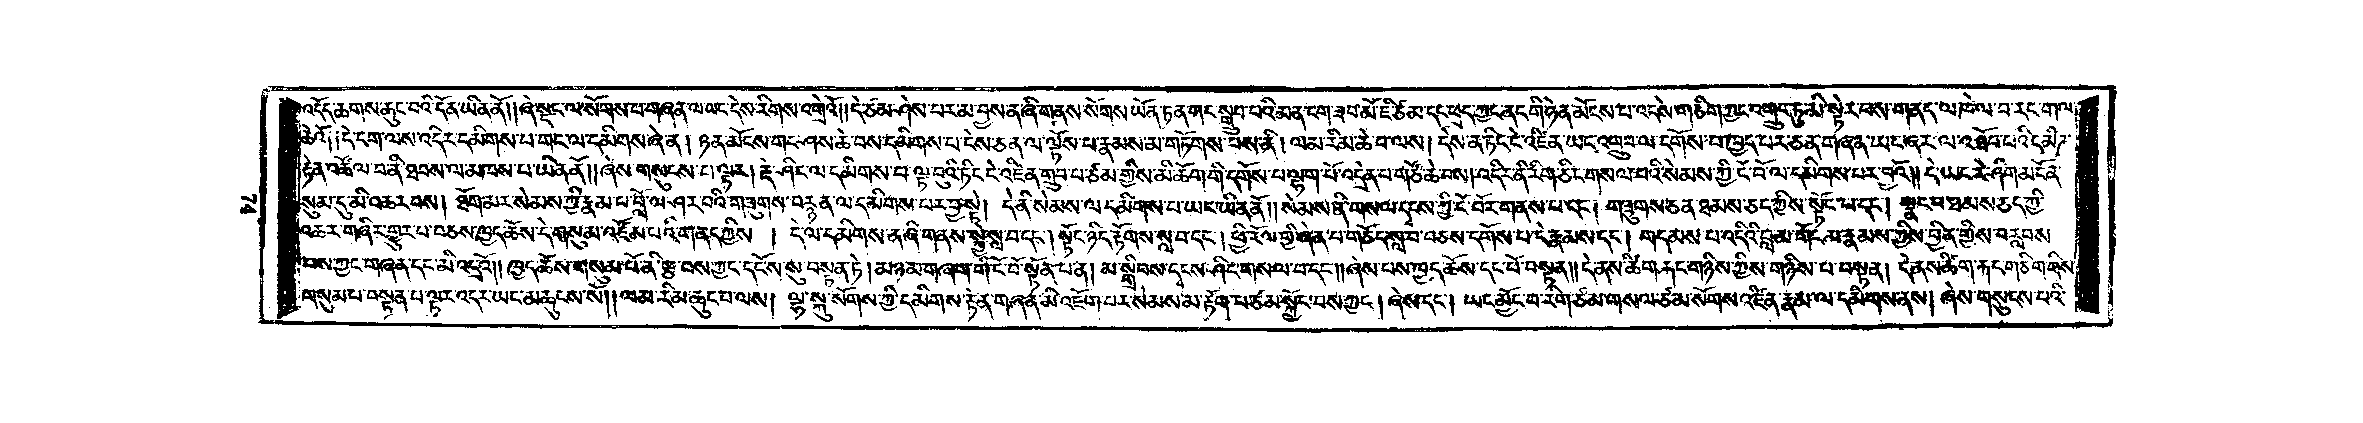འདོད་ཆགས་ཆུང་བའི་དོན་ཡིན་ནོ། །ཞེ་སྡང་ལ་སོགས་པ་གཞན་ལ་ཡང་དེས་རིགས་འགྲེའོ། །དེ་ཙམ་ཤེས་པར་མ་བྱས་ན་ཞི་གནས་སོགས་ཡོན་ཏན་གང་སྒྲུབ་པའི་མན་ངག་ཟབ་མོ་ཇི་ཙམ་དང་ཕྲད་ཀྱང་ནང་གི་ཉེན་མོངས་པ་འདིས་གཅིག་ཀྱང་འགྲུབ་ཏུ་མི་སྟེར་བས་གནད་ལ་ཁེལ་བ་རང་གལ་
ཆེའོ། །དེ་དག་ལས་འདིར་དམིགས་པ་གང་ལ་དམིགས་ཞེ་ན། ཉན་མོངས་གང་ཤས་ཆེ་བས་དམིགས་པ་ངེས་ཅན་ལ་ལྟོས་པ་རྣམས་མ་གཏོགས་པས་ནི། ལམ་རིམ་ཆེ་བ་ལས། དེས་ན་ཏིང་ངེ་འཛིན་ཡང་འགྲུབ་ལ་དགོས་པ་ཁྱད་པར་ཅན་གཞན་ཡང་ཞར་ལ་འཐོབ་པའི་དམིགས་
རྟེན་འཚོལ་བ་ནི་ཐབས་ལ་མཁས་པ་ཡིན་ནོ། །ཞེས་གསུངས་པ་ལྟར། རྡེ་ཤིང་ལ་དམིགས་པ་ལྟ་བུའི་ཏིང་ངེ་འཛིན་གྲུབ་པ་ཙམ་གྱིས་མི་ཆོག་གི་དགོས་པ་ལྷག་པོ་འདྲེན་པ་གཙོ་ཆེ་བས། འདིར་ནི་རིག་ཅིང་གསལ་བའི་སེམས་ཀྱི་ངོ་བོ་ལ་དམིགས་པར་བྱའོ། །དེ་ཡང་རེ་ཤིག་མངོན་
སུམ་དུ་མི་འཆར་བས། ཐོག་མར་སེམས་ཀྱི་རྣམ་པ་བློ་ལ་ཤར་བའི་གཟུགས་བརྙན་ལ་དམིགས་པར་བྱ་སྟེ། དེ་ནི་སེམས་ལ་དམིགས་པ་ཡང་ཡིན་ནོ། །སེམས་ནི་གསལ་དྭངས་ཀྱི་ངོ་བོར་གནས་པ་དང་། གཟུགས་ཅན་ཐམས་ཅད་ཀྱིས་སྟོང་པ་དང་། སྣང་བ་ཐམས་ཅད་ཀྱི་
འཆར་གཞིར་གྱུར་པ་བཅས་ཁྱད་ཆོས་དེ་གསུམ་འཛོམ་པའི་གནད་ཀྱིས། དེ་ལ་དམིགས་ན་ཞི་གནས་སྐྱེ་སླ་བ་དང་། སྟོང་ཉིད་རྟོགས་སླ་བ་དང་། ཕྱི་རོལ་གྱི་ཞེན་པ་གཅོད་སླ་བ་བཅས་དགོས་པ་དེ་རྣམས་དང་། གདམས་པ་འདིའི་བླ་མ་གོང་མ་རྣམས་ཀྱིས་བྱིན་གྱིས་བརླབས་
པས་ཀྱང་གཞན་དང་མི་འདྲའོ། །ཁྱད་ཆོས་གསུམ་པོ་ནི་རྩ་བས་ཀྱང་དངོས་སུ་བསྟན་ཏེ། མཉམ་གཞག་གི་ངོ་བོ་སྟོན་པ་ནི། མ་སྒྲིབས་དྭངས་ཤིང་གསལ་བ་དང་། །ཞེས་པས་ཁྱད་ཆོས་དང་པོ་བསྟན། །དེ་ནས་ཚིག་རྐང་གཉིས་ཀྱིས་གཉིས་པ་བསྟན། དེ་ནས་ཚིག་རྐང་གཅིག་གིས་
གསུམ་པ་བསྟན་པ་ལྟར་འདར་ཡང་མཚུངས་སོ། །ལམ་རིམ་ཆུང་བ་ལས། ལྷ་སྐུ་སོགས་ཀྱི་དམིགས་རྟེན་གཞན་མི་འཇོག་པར་སེམས་མ་རྟོག་པ་ཙམ་སྐྱོང་བས་ཀྱང་། ཞེས་དང་། ཡང་མྱོང་བ་རིག་ཙམ་གསལ་ཙམ་སོགས་འཛིན་རྣམ་ལ་དམིགས་ནས། ཞེས་གསུངས་པའི་